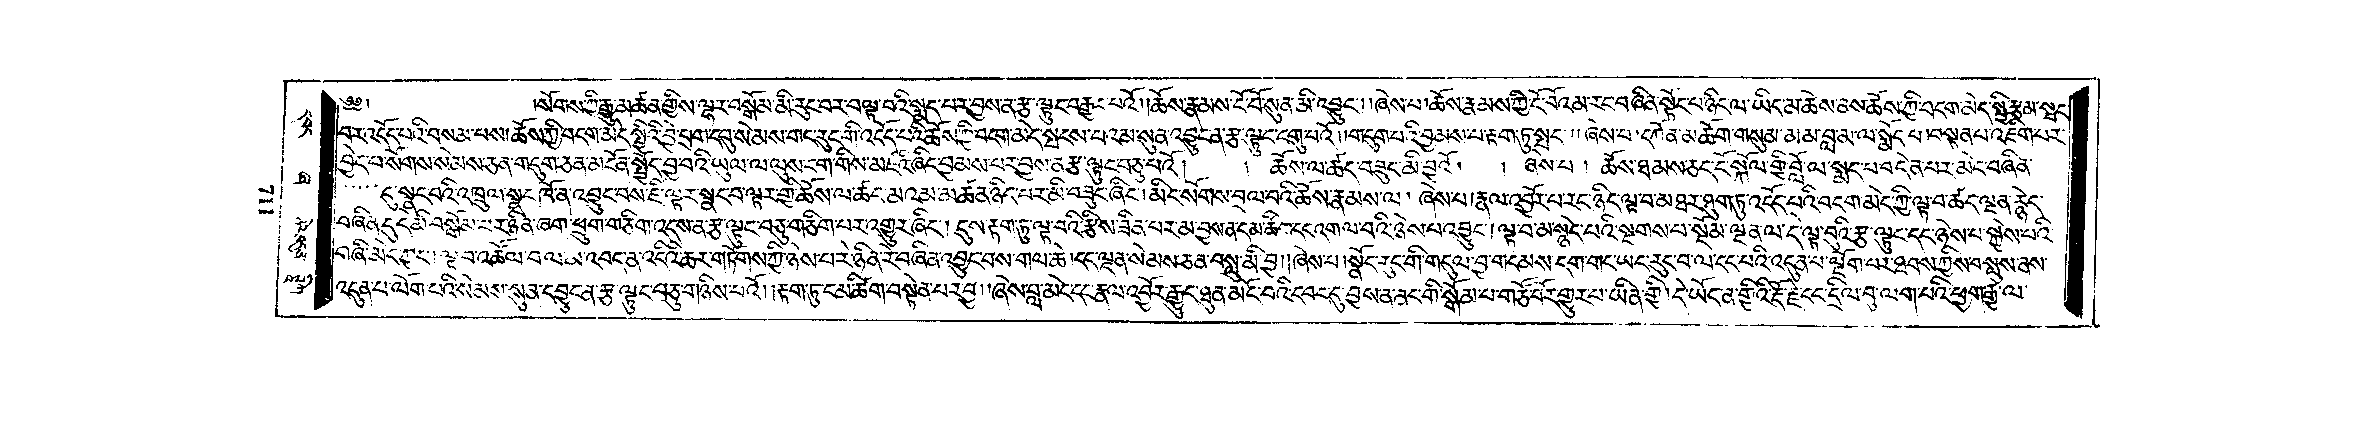༄༅། །སོགས་ཀྱི་རྒྱུ་མཚན་གྱིས་ལྷར་བསྒོམ་མི་རུང་བར་བལྟ་བའི་སྨད་པར་བྱས་ན་རྩ་ལྟུང་བརྒྱད་པའོ། །ཆོས་རྣམས་ངོ་བོ་སུན་མི་འབྱུང་། །ཞེས་པ། ཆོས་རྣམས་ཀྱི་ངོ་བོའམ་རང་བཞིན་སྟོང་པ་ཉིད་ལ་ཡིད་མ་ཆེས་ནས་ཆོས་ཀྱི་བདག་མེད་སྤྱི་རྩམ་སྤང་
བར་འདོད་པའི་བསམ་པས། ཆོས་ཀྱི་བདག་མེད་སྤྱིའི་བྱེ་བྲག་དབུ་སེམས་གང་རུང་གི་འདོད་པའི་ཆོས་ཀྱི་བདག་མེད་སྤངས་པའམ་སུན་འབྱུང་ན་རྩ་ལྟུང་དགུ་པའོ། །གདུག་པའི་བྱམས་པ་རྟག་ཏུ་སྤང་། །ཞེས་པ། དཀོན་མཆོག་གསུམ་མམ་བླ་མ་ལ་སྨོད་པ། བསྟན་པ་འཇིག་པར་
བྱེད་པ་སོགས་སེམས་ཅན་གདུག་ཅན་མངོན་སྤྱོད་བྱ་བའི་ཡུལ་ལ་ལུས་ངག་གིས་མཛའི་ཞིང་བྱམས་པར་བྱས་ན་རྩ་ལྟུང་བཅུ་པའོ། །ཆོས་ལ་ཚད་བཟུང་མི་བྱའོ། །ཞེས་པ། ཆོས་ཐམས་ཅད་ངོ་སྐོལ་གྱི་བློ་ལ་སྨད་པ་བདེན་པར་མེད་བཞིན་
དུ་སྣང་བའི་འཁྲུལ་སྣང་ཁོ་ན་འབྱུང་བས་ཇི་ལྟར་སྣང་བ་ལྟར་གྱི་ཆོས་ལ་ཚད་མའམ་མཚན་ཉིད་པར་མི་བཟུང་ཞིང་། མིང་སོགས་བྲལ་བའི་ཆོས་རྣམས་ལ། ཞེས་པ། རྣལ་འབྱོར་པ་རང་ཉིད་ལྟ་བ་མཐར་ཐུག་ཏུ་འདོད་པའི་བདག་མེད་ཀྱི་ལྟ་བ་ཚད་ལྡན་རྙེད་
བཞིན་དུ་དེ་མི་བསྒོམ་པར་ཉིན་ཞག་ཕྲུག་གཅིག་འདས་ན་རྩ་ལྟུང་བཅུ་གཅིག་པར་འགྱུར་ཞིང་། དུས་རྟག་ཏུ་ལྟ་བའི་རྩིས་ཟིན་པར་མ་བྱས་ན་དམ་ཚིག་དང་འགལ་བའི་ཉེས་པ་འབྱུང་། ལྟ་བ་མ་སྙེད་པའི་སྔགས་པ་སྡོམ་ལྡན་ལ་དེ་ལྟ་བུའི་རྩ་ལྟུང་དང་ཉེས་པ་སྐྱེས་པའི་
གཞི་མེད་ཀྱང་། ལྟ་བ་འཚོལ་བ་ལམ་འབད་ན་འདིའི་ཆར་གཏོགས་ཀྱི་ཉེས་པ་རེ་ཉིན་རེ་བཞིན་འབྱུང་བས་གལ་ཆེ། དད་ལྡན་སེམས་ཅན་བསླུ་མི་བྱ། །ཞེས་པ། སྣོད་རུང་གི་གདུལ་བྱ་གདམས་དག་གང་ཡང་རུང་བ་ལ་དད་པའི་འདུན་པ་ལྡོག་པར་ཐབས་ཀྱིས་བསླུས་ནས་
འདུན་པ་ལོག་པའི་སེམས་སུན་དབྱུང་ན་རྩ་ལྟུང་བཅུ་གཉིས་པའོ། །རྟག་ཏུ་དམ་ཚིག་བསྟེན་པར་བྱ། །ཞེས་བླ་མེད་དང་རྣལ་འབྱོར་རྒྱུད་ཐུན་མོང་བའི་དབང་དུ་བྱས་ན་ནང་གི་སྒོམ་པ་གཙོ་བོར་གྱུར་པ་ཡིན་གྱི། དེ་ཡོད་ན་གྱིའི་རྡོ་རྗེ་དང་དྲིལ་བུ་ལག་པའི་ཕྱག་རྒྱ་ལ་